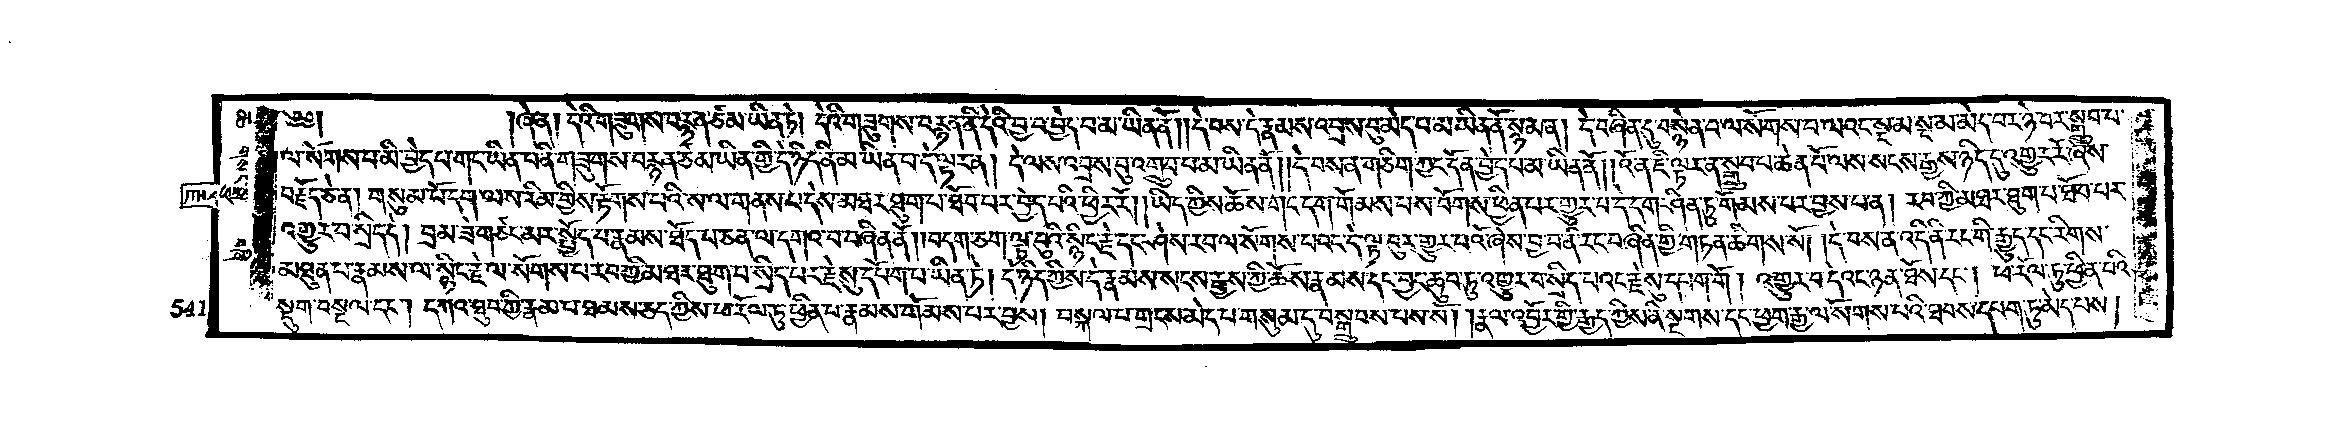༄༅། །ཞེ་ན། དེའི་གཟུགས་བརྙན་ཙམ་ཡིན་ཏེ། དེའི་གཟུགས་བརྙན་ནི་དེའི་བྱ་བ་བྱེད་པ་མ་ཡིན་ནོ། །དེ་བས་དེ་རྣམས་འབྲས་བུ་མེད་པ་མ་ཡིན་ནོ་སྙམ་ན། དེ་བཞིན་དུ་བསྙེན་པ་ལ་སོགས་པ་ལའང་སྔ་མ་སྔ་མ་མེད་པར་ཉེ་བར་སྒྲུབ་པ་
ལ་སོགས་པ་མི་བྱེད་པ་གང་ཡིན་པ་ནི་གཟུགས་བརྙན་ཙམ་ཡིན་གྱི་དེ་ཉིད་ནི་མ་ཡིན་པ་དེ་ལྟར་ན། དེ་ལས་འབྲས་བུ་འགྲུབ་པ་མ་ཡིན་ནོ། །དེ་བས་ན་གཅིག་ཀྱང་དོན་བྱེད་པ་མ་ཡིན་ནོ། །འོ་ན་ཇི་ལྟར་ན་སྒྲུབ་པ་ཆེན་པོ་ལས་སངས་རྒྱས་ཉིད་དུ་འགྱུར་རོ་ཞེས་
བརྗོད་ཅེ་ན། གསུམ་པོ་དག་ལས་རིམ་གྱིས་རྟོགས་པའི་ས་ལ་གནས་པ་དེས་མཐར་ཐུག་པ་ཐོབ་པར་བྱེད་པའི་ཕྱིར་རོ། །ཡིད་ཀྱིས་ཆོས་གང་དག་གོམས་པས་བོགས་ཕྱིན་པར་གྱུར་པ་དེ་དག་ཤིན་ཏུ་གོམས་པར་བྱས་པ་ན། རབ་ཀྱི་མཐར་ཐུག་པ་ཐོབ་པར་
འགྱུར་བ་སྲིད་དེ། བྲམ་ཟེ་གཙང་མར་སྤྱོད་པ་རྣམས་ཐོད་པ་ཅན་ལ་དགའ་བ་བཞིན་ནོ། །བདག་ཅག་ལྟ་བུའི་སྙིང་རྗེ་དང་ཤེས་རབ་ལ་སོགས་པའང་དེ་ལྟ་བུར་གྱུར་པའོ་ཞེས་བྱ་བ་ནི་རང་བཞིན་གྱི་གཏན་ཚིགས་སོ། །དེ་བས་ན་འདི་ནི་རང་གི་རྒྱུད་དང་རིགས་
མཐུན་པ་རྣམས་ལ་སྙིང་རྗེ་ལ་སོགས་པ་རབ་ཀྱི་མཐར་ཐུག་པ་སྲིད་པར་རྗེས་སུ་དཔོག་པ་ཡིན་ཏེ། དེ་ཉིད་ཀྱིས་དེ་རྣམས་སངས་རྒྱས་ཀྱི་ཆོས་རྣམས་དང་བྱང་ཆུབ་ཏུ་འགྱུར་བ་སྲིད་པའང་རྗེས་སུ་དཔག་གོ །འགྱུར་བ་དེའང་ཉན་ཐོས་དང་། ཕ་རོལ་ཏུ་ཕྱིན་པའི་
སྡུག་བསྔལ་དང་། དཀའ་ཐུབ་ཀྱི་རྣམ་པ་ཐམས་ཅད་ཀྱིས་ཕ་རོལ་ཏུ་ཕྱིན་པ་རྣམས་གོམས་པར་བྱས། བསྐལ་པ་གྲངས་མེད་པ་གསུམ་དུ་བསྒྲུབས་པས་སོ། །རྣལ་འབྱོར་གྱི་རྒྱུད་ཀྱིས་ནི་སྔགས་དང་ཕྱག་རྒྱ་ལ་སོགས་པའི་ཐབས་དཔག་ཏུ་མེད་པས།